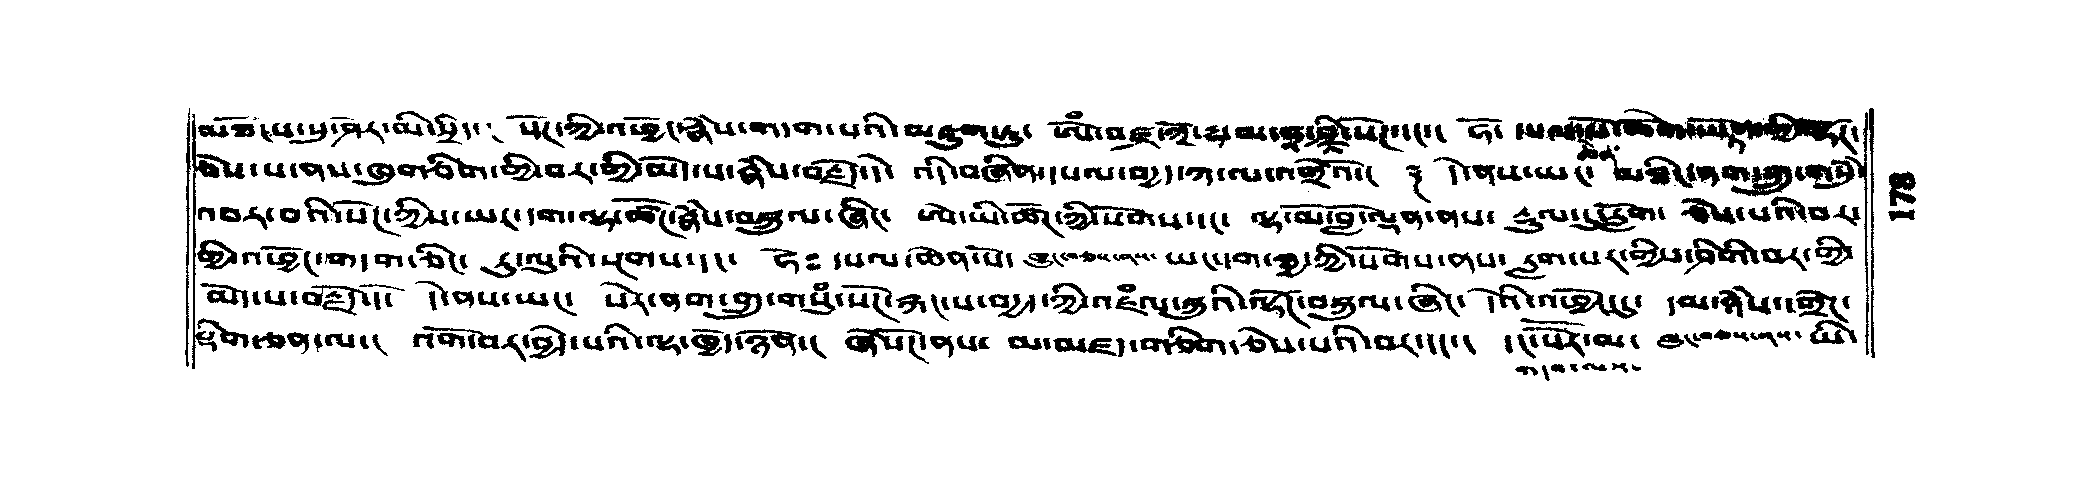མཐོངས་སུ་ཤོར་མི་སྲིད། །སོགས་ཀྱི་འཕྱོང་རྣམས་གདག་པའི་མཇུག་ཏུ། ཨོཾ་བཛྲ་ཀྲོ་དྷ་མ་ཧཱ་ཤྲཱི་སོགས་དང་། ཧོ། དཔལ་ཆེན་པོ་ཆེ་མཆོག་ཡོན་ཏན་གྱི་ལྷ་ཚོགས། །
ཅེས་པ་ནས་ཁུག་ཅིག་གྱི་བར་གྱི་དམོད་པ་རྣམས་བརྗོད་དེ།འདི་བཞིན་དཔལ་བརྒྱད་ཀ་ལ་འགྲོའོ། ༈ དེ་ནས་ཡང་། མཐིང་ནག་གྲུ་གསུམ་
འབར་བའི་སོགས་ཀྱིས་ཡང་དག་ལྷ་ཚོགས་རྣམས་བསྐུལ་ཞིང་། ཨེ་ཡི་ཚོགས་ཁྱུང་བཅས་ནས་ཀྱི་སོགས་དང་། ལྷ་མོ་བློ་ལྡན་ནས། རྡུལ་དུ་རློག་ཅེས་པའི་བར་
གྱི་འཕྱོང་གདག་ཅིང་། རུ་ལུའི་སྔགས་དང་། ཧོཿ དཔལ་ཆེན་པོ་ཡང་དག་ཐུགས་ཀྱི་སོགས་ནས། རླག་པར་གྱིས་ཤིག་བར་གྱི་
དམོད་པ་བརྗོད་དེ། དེ་ནས་ཡང་། སེར་ནག་གྲུ་གསུམ་སོགས་རྐང་པ་བརྒྱད་ཀྱི་འཇམ་དཔལ་སྐུའི་ལྷ་ཚོགས་བསྐུལ་ཞིང་། དེའི་འཕྱོང་དུ། ཁྱུང་བཅས་ནས་དམ་ཉམས་དགྲ་བགེགས་
སྡིག་ཅན་ལ། །འགོ་བར་བྱེད་པའི་ལྷ་ཁྱོད་ཉོན། །ཞེས་སོགས་ནས། མ་མཛད་ཅིག་ཅེས་པའི་བར་དང་། གདབ་ལས་སོ་སོར་མ་ཡི་